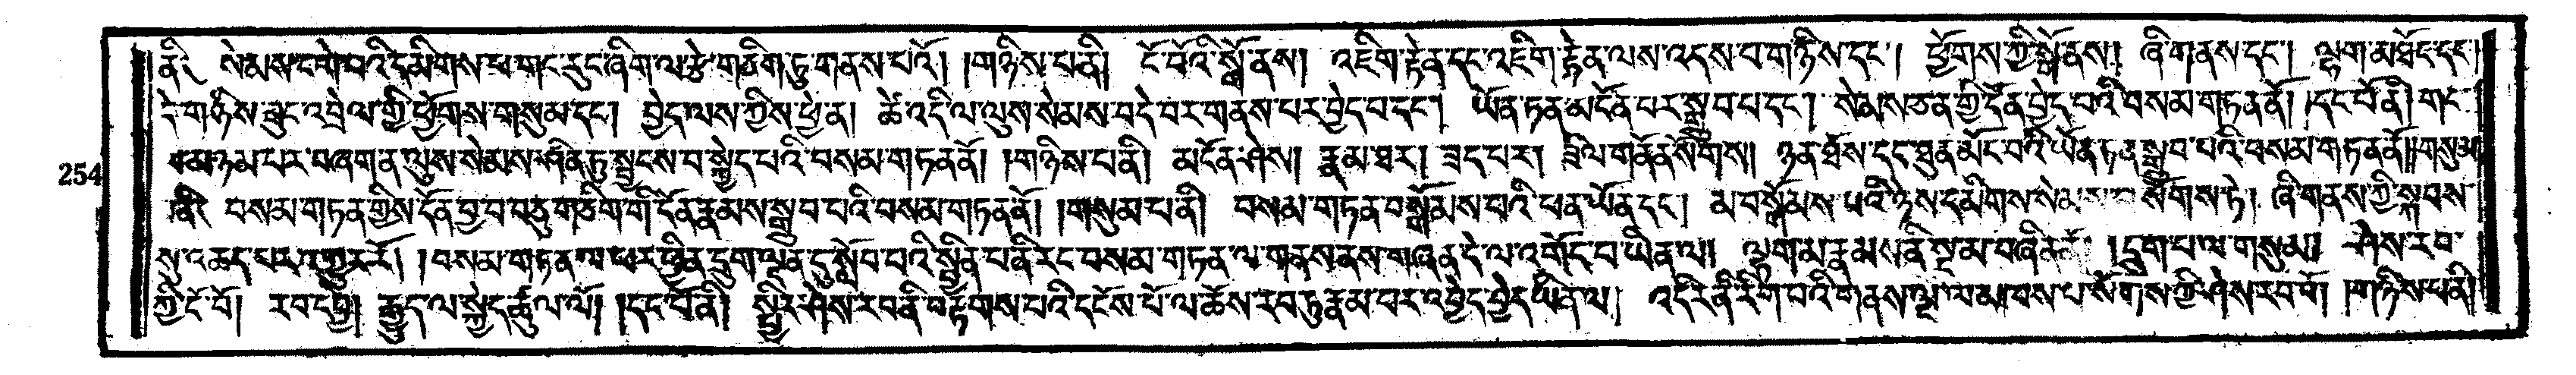ནི༑ སེམས་དགེ་བའི་དམིགས་པ་གང་ཡང་རུང་ཞིག་ལ་རྩེ་གཅིག་ཏུ་གནས་པའོ། །གཉིས་པ་ནི། ངོ་བོའི་སྒོ་ནས། འཇིག་རྟེན་དང་འཇིག་རྟེན་ལས་འདས་པ་གཉིས་དང་། ཕྱོགས་ཀྱི་སྒོ་ནས། ཞི་གནས་དང་། ལྷག་མཐོང་དང་།
དེ་གཉིས་ཟུང་འབྲེལ་གྱི་ཕྱོགས་གསུམ་དང་། བྱེད་ལས་ཀྱིས་ཕྱེ་ན། ཚེ་འདི་ལ་ལུས་སེམས་བདེ་བར་གནས་པར་བྱེད་བ་དང་། ཡོན་ཏན་མངོན་པར་སྒྲུབ་པ་དང་། སེམས་ཅན་གྱི་དོན་བྱེད་བའི་བསམ་གཏན་ནོ། །དང་བོ་ནི། གང་
ལ་མཉམ་པར་བཞག་ན་ལུས་སེམས་ཤིན་ཏུ་སྦྱངས་བ་སྐྱེད་པའི་བསམ་གཏན་ནོ། །གཉིས་པ་ནི། མངོན་ཤེས། རྣམ་ཐར། ཟད་པར། ཟིལ་གནོན་སོགས། ཉན་ཐོས་དང་ཐུན་མོང་བའི་ཡོན་ཏན་སྒྲུབ་པའི་བསམ་གཏན་ནོ། །གསུམ་
བ་ནི༑ བསམ་གཏན་གྱིས་དོན་བྱ་བ་བཅུ་གཅིག་གི་དོན་རྣམས་སྒྲུབ་པའི་བསམ་གཏན་ནོ། །གསུམ་པ་ནི། བསམ་གཏན་བསྒོམས་པའི་ཕན་ཡོན་དང་། མ་བསྒོམས་པའི་ཉེས་དམིགས་སེམས་བ་སོགས་ཏེ། ཞི་གནས་ཀྱི་སྐབས་
སུ་འཆད་པར་འགྱུར་རོ། །བསམ་གཏན་ལ་ཕར་ཕྱིན་དྲུག་ལྡན་དུ་སློབ་བའི་སྦྱིན་པ་ནི་རང་བསམ་གཏན་ལ་གནས་ནས་གཞན་དེ་ལ་འགོད་བ་ཡིན་ལ། ལྷག་མ་རྣམས་ནི་སྔ་མ་བཞིན་ནོ། །དྲུག་པ་ལ་གསུམ། ཤེས་རབ་
ཀྱི་ངོ་བོ། རབ་དབྱེ། རྒྱུད་ལ་སྐྱེད་ཚུལ་ལོ། །དང་བོ་ནི། སྤྱིར་ཤེས་རབ་ནི་བརྟགས་པའི་དངོས་པོ་ལ་ཆོས་རབ་ཏུ་རྣམ་པར་འབྱེད་ཡིན་ལ། འདིར་ནི་རིག་པའི་གནས་ལྔ་ལ་མཁས་པ་སོགས་ཀྱི་ཤེས་རབ་བོ། །གཉིས་པ་ནི།